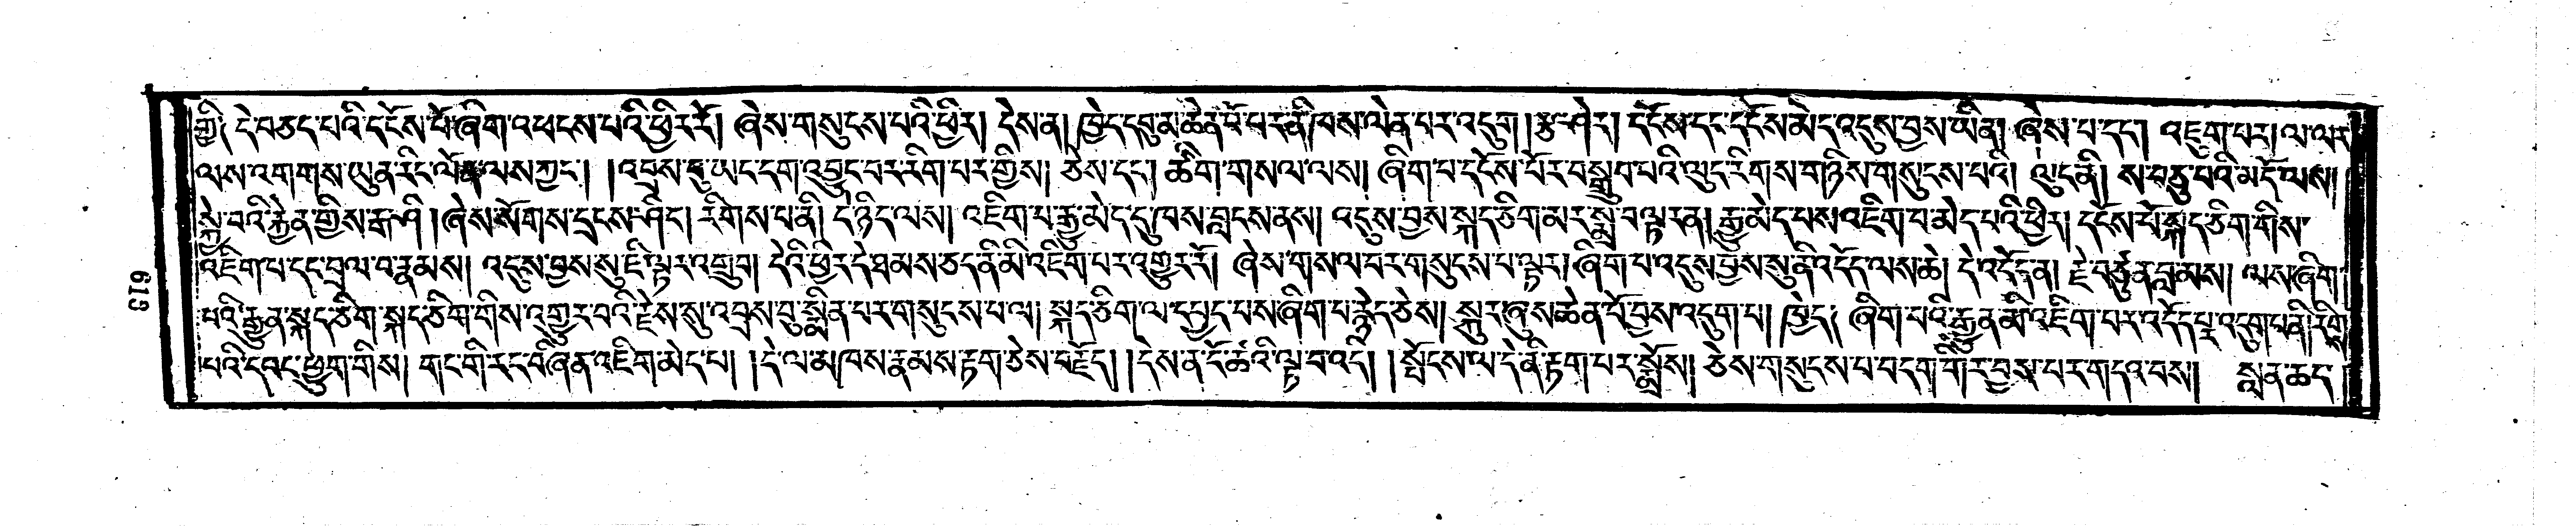གྱི༑ དེ་བཅད་པའི་དངོས་པོ་ཞིག་འཕངས་པའི་ཕྱིར་རོ། ཞེས་གསུངས་པའི་ཕྱིར། དེས་ན། ཁྱེད་དབུ་མ་ཆེན་པོ་པར་ནི་ཁས་ལེན་པར་འདུག །རྩ་ཤེར། དངོས་དང་དངོས་མེད་འདུས་བྱས་ཡིན། ཞེས་པ་དང་། འཇུག་པར། ལ་ལར་
ལས་འགགས་ཡུན་རིང་ལོན་ལས་ཀྱང་། །འབྲས་བུ་ཡང་དག་འབྱུང་བར་རིག་པར་གྱིས། ཅེས་དང་། ཚིག་གསལ་ལས། ཞིག་པ་དངོས་པོར་བསྒྲུབ་པའི་ལུང་རིགས་གཉིས་གསུངས་པའི། ལུང་ནི། ས་བཅུ་པའི་མདོ་ལས།
སྐྱེ་བའི་རྐྱེན་གྱིས་རྒ་ཤི། ཞེས་སོགས་དྲངས་ཤིང་། རིགས་པ་ནི། དེ་ཉིད་ལས། འཇིག་པ་རྒྱུ་མེད་དུ་ཁས་བླངས་ནས། འདུས་བྱས་སྐད་ཅིག་མར་སྨྲ་བ་ལྟར་ན། རྒྱུ་མེད་པས་འཇིག་པ་མེད་པའི་ཕྱིར། དངོས་པོ་སྐད་ཅིག་གིས་
འཇིག་པ་དང་བྲལ་བ་རྣམས། འདུས་བྱས་སུ་ཇི་ལྟར་འགྲུབ། དེའི་ཕྱིར་དེ་ཐམས་ཅད་ནི་མི་འཇིག་པར་འགྱུར་རོ། ཞེས་གསལ་བར་གསུངས་པ་ལྟར། ཞིག་པ་འདུས་བྱས་སུ་ནི་འདོད་ལས་ཆེ། དེ་འདོད་ན། རྗེ་བཙུན་བླ་མས། ལས་ཞིག་
པའི་རྒྱུན་སྐད་ཅིག་སྐད་ཅིག་གིས་འགྱུར་བའི་རྗེས་སུ་འབྲས་བུ་སྨིན་པར་གསུངས་པ་ལ། སྐད་ཅིག་ལ་དཔྱད་པས་ཞིག་པ་རྙེད་ཅེས། སྐུར་ཞུས་ཆེན་པོ་བྱས་འདུག་པ། ཁྱེད། ཞིག་པའི་རྒྱུན་མི་འཇིག་པར་འདོད་པར་འདུག་པ་ནི། རིགས་
པའི་དབང་ཕྱུག་གིས། གང་གི་རང་བཞིན་འཇིག་མེད་པ། །དེ་ལ་མཁས་རྣམས་རྟག་ཅེས་བརྗོད། །དེས་ན་ངོ་ཚའི་ལྟ་བ་འདི། །སྤོངས་ལ་དེ་ནི་རྟག་པར་སྨྲོས། ཅེས་གསུངས་པ་བདག་གིར་བྱས་པར་གདའ་བས། སླན་ཆད་